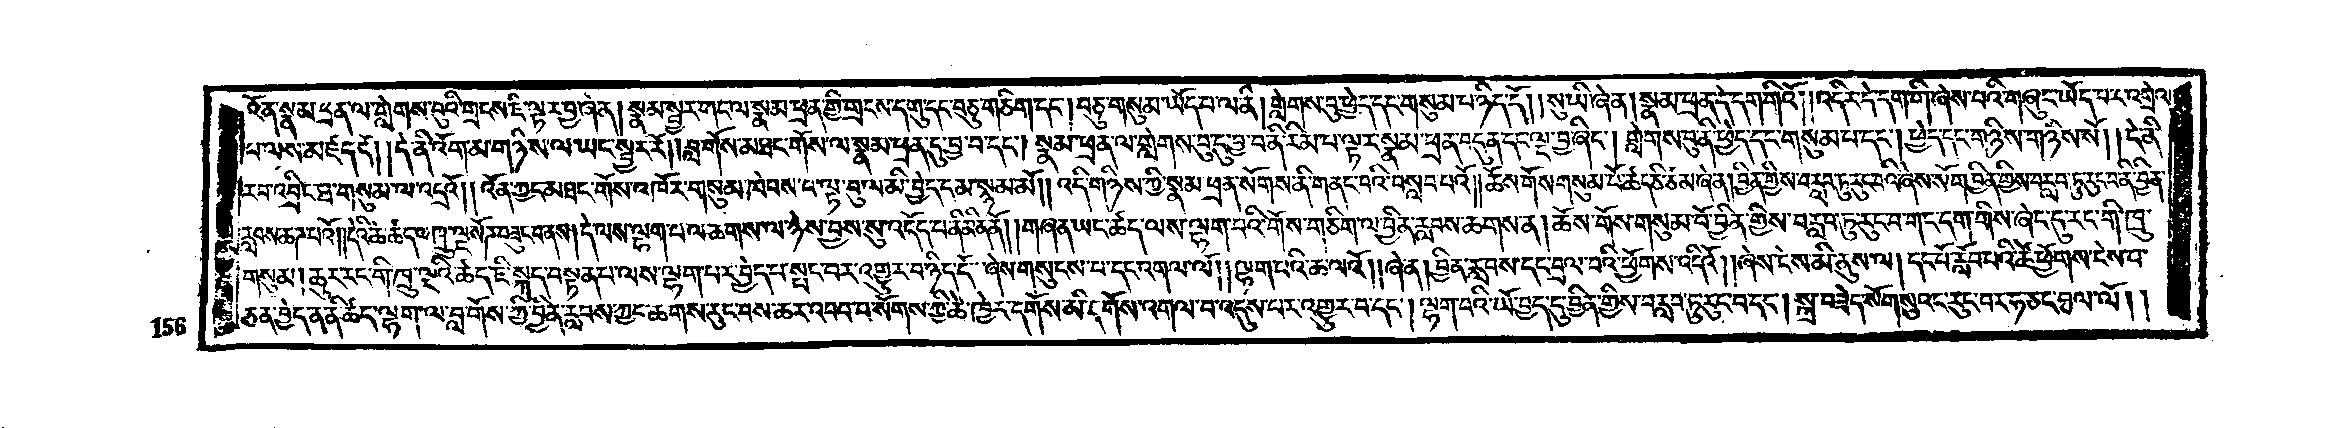འོ་ན་སྣམ་ཕྲན་ལ་གླེགས་བུའི་གྲངས་ཇི་ལྟར་བྱ་ཞེ་ན། སྣམ་སྦྱར་གང་ལ་སྣམ་ཕྲན་གྱི་གྲངས་དགུ་དང་བཅུ་གཅིག་དང་། བཅུ་གསུམ་ཡོད་པ་ལ་ནི། གླེགས་བུ་ཕྱེད་དང་གསུམ་པ་ཉིད་དོ། །སུ་ཡི་ཞེ་ན། སྣམ་ཕྲན་དེ་དག་གིའོ། །འདིར་དེ་དག་གི་ཞེས་པའི་གཞུང་ཡོད་པར་འགྲེལ་
པ་ལས་མཛད་དོ། །དེ་ནི་འོག་མ་གཉིས་ལ་ཡང་སྦྱར་རོ། །བླ་གོས་མཐང་གོས་ལ་སྣམ་ཕྲན་དུ་བྱ་བ་དང་། སྣམ་ཕྲན་ལ་གླེགས་བུ་དུ་བྱ་བ་ནི་རིམ་པ་ལྟར་སྣམ་ཕྲན་བདུན་དང་ལྔ་བྱ་ཞིང་། གླེགས་བུ་ནི་ཕྱེད་དང་གསུམ་པ་དང་། ཕྱེད་དང་གཉིས་གཉིས་སོ། །དེ་ནི་
རབ་འབྲིང་ཐ་གསུམ་ལ་འདྲའོ། །འོན་ཀྱང་མཐང་གོས་འཁོར་གསུམ་ཁེབས་པ་ལྟ་བུ་ལ་མི་བྱེད་དམ་སྙམ་མོ། །འདི་གཉིས་ཀྱི་སྣམ་ཕྲན་སོགས་ནི་གནང་བའི་བསླབ་པའོ། །ཆོས་གོས་གསུམ་པོ་ཚད་ཅི་ཙམ་ཞེ་ན། བྱིན་གྱིས་བརླབ་ཏུ་རུང་བའི་ཞེས་སོགས། བྱིན་གྱིས་བརླབ་ཏུ་རུང་བ་ནི་བྱིན་
རླབས་ཆགས་པའོ། །དེའི་ཚ་ཚད་ལ་ཁྲུ་ལྔ་སོགས་བཟུང་བ་ནས། དེ་ལས་ལྷག་པ་ལ་ཆགས་ལ་ཉེས་བྱས་སུ་འདོད་པ་ནི་མིན་ནོ། །གཞན་ཡང་ཚད་ལས་ལྷག་པའི་གོས་གཅིག་ལ་བྱིན་རླབས་ཆགས་ན། ཆེས་གོས་གསུམ་པོ་བྱིན་གྱིས་བརླབ་ཏུ་རུང་བ་གང་དག་གིས་ཞེང་དུ་རང་གི་ཁྲུ་
གསུམ། ཆུར་རང་གི་ཁྲུ་ལྔའི་ཚད་ཇི་སྐད་བསྟན་པ་ལས་ལྷག་པར་བྱེད་པ་སྤང་བར་འགྱུར་བ་ཉིད་དོ་ཞེས་གསུངས་པ་དང་འགལ་ལོ། །ལྷག་པའི་ཆ་ལའོ། །ཞེ་ན། བྱིན་རླབས་དང་བྲལ་བའི་ཕྱོགས་འདིའོ། །ཞེས་ངེས་མི་ནུས་ལ། དང་པོ་རློབ་པའི་ཚེ་ཕྱོགས་ངེས་པ་
ཅན་བྱེད་ན་ནི་ཚད་ལྷག་ལ་བླ་གོས་ཀྱི་བྱིན་རླབས་ཀྱང་ཆགས་རུང་བས་ཆར་འབབ་པ་སོགས་ཀྱི་ཚེ་ཁྱེར་དགོས་མི་དགོས་འགལ་བ་འདུས་པར་འགྱུར་བ་དང་། ལྷག་པའི་ཡོ་བྱད་དུ་བྱིན་གྱིས་བརླབ་ཏུ་རུང་བ་དང་། སྐྲ་བཟེད་སོགས་སུའང་རུང་བར་ཧ་ཅང་ཐལ་ལོ། །